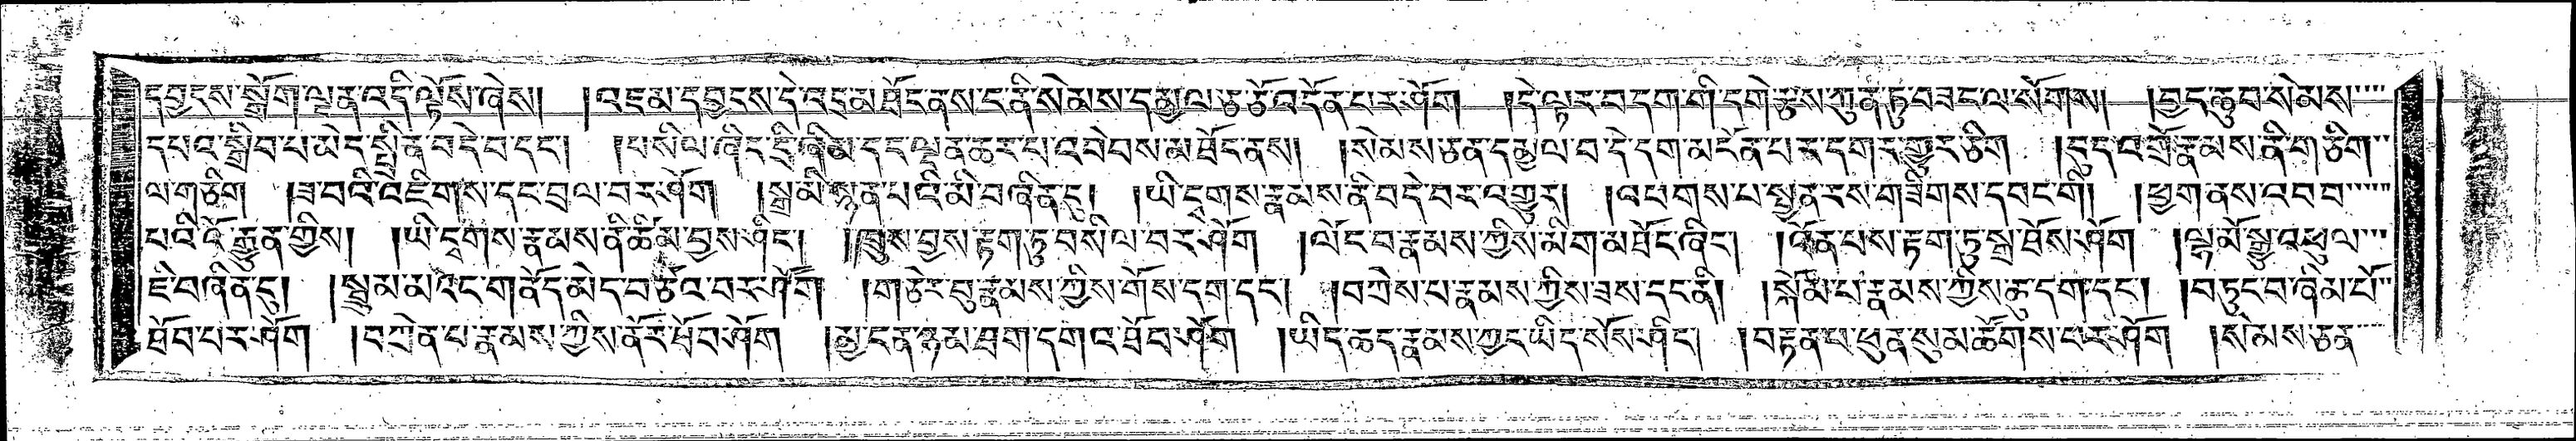དབྱངས་སྒྲོག་ལྡན་འདི་ལྟོས་ཞེས། །འཇམ་དབྱངས་དེ་འདྲ་མཐོང་ནས་ང་ནི་སེམས་དམྱལ་ཅ་ཅོ་འདོན་པར་ཤོག །དེ་ལྟར་བདག་གི་དགེ་རྩས་ཀུན་ཏུ་བཟང་ལ་སོགས། །བྱང་ཆུབ་སེམས་
དཔའ་སྒྲིབ་པ་མེད་སྤྲིན་བདེ་བ་དང་། །བསིལ་ཞིང་དྲི་ཞིམ་དང་ལྡན་ཆར་པ་འབེབས་མཐོང་ནས། །སེམས་ཅན་དམྱལ་བ་དེ་དག་མངོན་པར་དགར་གྱུར་ཅིག །དུད་འགྲོ་རྣམས་ནི་གཅིག་
ལ་གཅིག །ཟ་བའི་འཇིགས་དང་བྲལ་བར་ཤོག །སྒྲ་མི་སྙན་པའི་མི་བཞིན་དུ། །ཡི་དྭགས་རྣམས་ནི་བདེ་བར་འགྱུར། །འཕགས་པ་སྤྱན་རས་གཟིགས་དབང་གི །ཕྱག་ནས་འབབ་
པའི་འོ་རྒྱུན་གྱིས། །ཡི་དྭགས་རྣམས་ནི་ཚིམ་བྱས་ཤིང་། །ཁྲུས་བྱས་རྟག་ཏུ་བསིལ་བར་ཤོག །ལོང་བ་རྣམས་ཀྱིས་མིག་མཐོང་ཞིང་། །འོན་པས་རྟག་ཏུ་སྒྲ་ཐོས་ཤོག །ལྷ་མོ་སྒྱུ་འཕུལ་
ཇི་བཞིན་དུ། །སྤྲུམ་མའང་གནོད་མེད་བཙའ་བར་ཤོག །གཅེར་བུ་རྣམས་ཀྱིས་གོས་དག་དང་། །བཀྲེས་པ་རྣམས་ཀྱིས་ཟས་དང་ནི། །སྐོམ་པ་རྣམས་ཀྱིས་ཆུ་དག་དང་། །བཏུང་བ་ཞིམ་པོ་
ཐོབ་པར་ཤོག །བཀྲེན་པ་རྣམས་ཀྱིས་ནོར་ཐོབ་ཤོག །མྱ་ངན་ཉམ་ཐག་དགའ་ཐོབ་ཤོག །ཡིད་ཆད་རྣམས་ཀྱང་ཡིད་སོས་ཤིང་། །བརྟན་པ་ཕུན་སུམ་ཚོགས་པར་ཤོག །སེམས་ཅན་